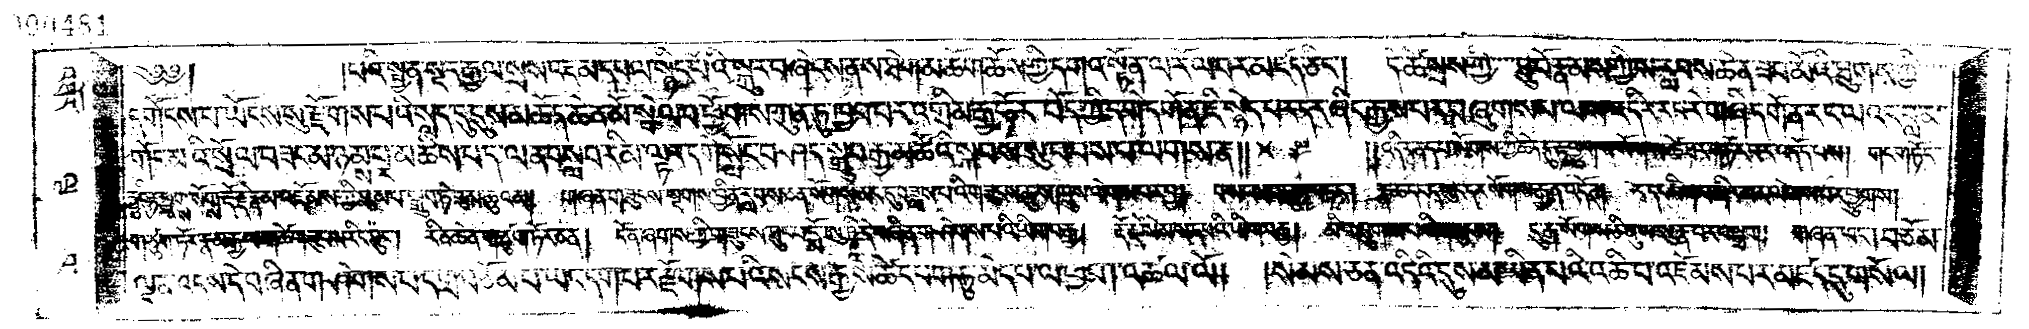༄༅། །པའི་སྤྱན་སྔར་རྒྱལ་སྲས་འཇམ་དཔལ་སྙིང་པོའི་སྐུར་བཞེངས་ནས་ཐེག་མཆོག་ཆོས་ཀྱི་དགའ་སྟོན་ལ་རོལ་བར་མཛད་ཅིང་། དེ་ཚེ་སྲས་ཀྱི་ཐུ་བོ་རྣམས་ཀྱིས་རླབས་ཆེན་ཟབ་མོའི་ཐུགས་ཀྱི་
དགོངས་པ་ཡོངས་སུ་རྫོགས་པའི་སླད་དུ་དུས་མཆོད་ཆེན་མོ་སྤེལ་བ་ཕྱོགས་ཀུན་ཏུ་ཁྱབ་པར་འགྲིམ་རྒྱ་ཧོར་བོད་ཀྱི་དགེ་དགོན་ཇི་སྙེད་པར་དར་ཞིང་རྒྱས་པར་བཞུགས་པ་ལས་འདིར་རང་རེ་གཞི་དགོན་རང་ལའང་བླ་མ་
གོང་མའི་སྲོལ་བཟང་མ་ཉམས་པར་མཆིས་པ་ད་ལན་བསླབ་རིམ་ལྟར་དགེ་སློང་བཤད་སྒྲུབ་རྒྱ་མཚོའི་སྐབས་སུ་བབས་པ་ལགས་ན།། ༈ །།འདིར་ནད་པ་སོགས་ཀྱི་ཆེད་དུ་རྟ་ཕྱུགས་སོགས་ཚེ་ཐར་གཏོང་བར་འདོད་པས། གང་གཏོང་
རྒྱུའི་རྟ་ཕྱུགས་སོགས་རྡོ་རྗེ་རྣམ་འཇོམས་ཀྱི་བུམ་པ་སྒྲུབ་ཏེ་བུམ་ཆུའམ། གཞན་གཟུངས་སྔགས་བྱིན་རླབས་ཅན་སོགས་མང་དུ་བཟླས་པའི་གཟུངས་ཆུས་ཁྲུས་ལེགས་པར་བྱ། བསངས་བདུག་བཏང་། རྣ་ཆ་དང་དཔུང་དར་སོགས་རྒྱན་འདོགས། རྭ་དང་མིག་བཞིར་མར་ལེགས་པར་བྱུགས།
གཙུག་ཏོར་རྣམ་རྒྱལ་མ། ཚེ་གཟུངས་རིང་ཐུང་། རིན་ཆེན་གཙུག་ཏོར་ཅན། དོན་ཞགས་ཀྱི་གཟུངས་ཐུང་པདམོ་ཨུ་ཥྞཱི་དེ་བཞིན་གཤེགས་པའི་ཡིག་བརྒྱ། རྡོ་རྗེ་སེམས་དཔའི་ཡིག་བརྒྱ། མི་འཁྲུགས་པའི་གཟུངས། དུ་རྒ་སོགས་ཅི་ནུས་སུ་རྣ་བར་བསྒྲག །གཞན་ཡང་། བཅོམ་
ལྡན་འདས་དེ་བཞིན་གཤེགས་པ་དགྲ་བཅོམ་པ་ཡང་དག་པར་རྫོགས་པའི་སངས་རྒྱས་ཚེ་དཔག་ཏུ་མེད་པ་ལ་ཕྱག་འཚལ་ལོ། །སེམས་ཅན་འདིའི་དུས་མ་ཡིན་པའི་འཆི་བ་འཇོམས་པར་མཛད་དུ་གསོལ།